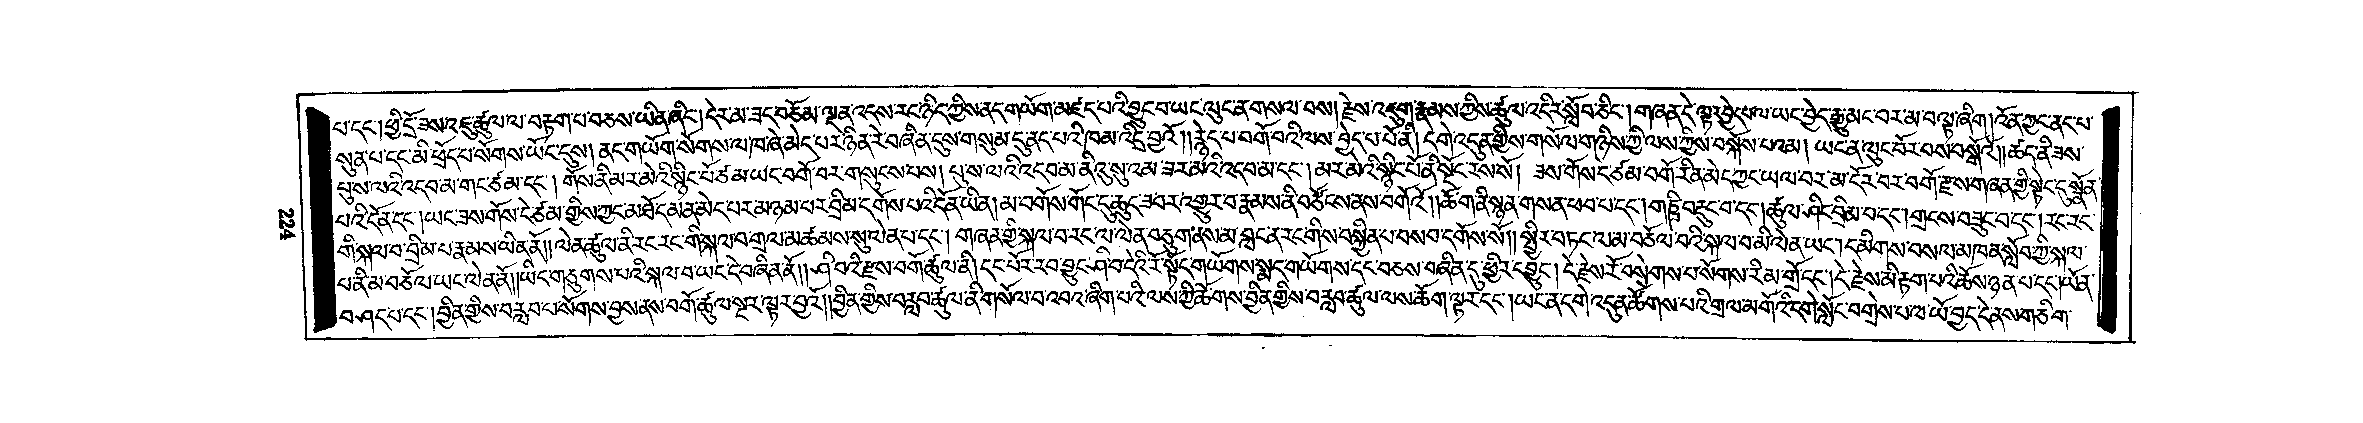པ་དང་། ཕྱི་དྲོ་ཟས་འཇུ་ཚུལ་ལ་བརྟག་པ་བཅས་ཡིན་ཞིང་། དེར་མ་ཟད་བཅོམ་ལྡན་འདས་རང་ཉིད་ཀྱིས་ནད་གཡོག་མཛད་པའི་བྱུང་བ་ཡང་ལུང་ན་གསལ་བས། རྗེས་འཇུག་རྣམས་ཀྱིས་ཚུལ་འདིར་སློབ་ཅིང་། གཞན་དེ་ལྟར་བྱེད་པ་ལ་ཡང་བྱེད་རྒྱུ་མང་བར་མ་བལྟ་ཞིག །འོན་ཀྱང་ནད་པ་
སུན་པ་དང་མི་ཕྲོད་པ་སོགས་ཡོང་དུས། ནད་གཡོག་སོགས་ལ་ཁ་ཞེ་མེད་པར་ཉིན་རེ་བཞིན་དུས་གསུམ་དུ་ནད་པའི་ཁམ་འདྲི་བྱའོ། །རྙེད་པ་བགོ་བའི་ལས་བྱེད་པ་པོ་ནི། དགེ་འདུན་གྱིས་གསོལ་གཉིས་ཀྱི་ལས་ཀྱིས་བསྐོས་པའམ། ཡང་ན་ལུང་བོར་བས་བསྒོའོ། །ཚད་ནི་ཟས་
པུ་ས་ལའི་འདབ་མ་གང་ཙམ་དང་། གོས་ནི་མར་མེའི་སྙིང་པོ་ཙམ་ཡང་བགོ་བར་གསུངས་པས། པུ་ས་ལའི་འདབ་མ་ནིའུ་སུ་འམ་ཟར་མའི་འདབ་མ་དང་། མར་མེའི་སྙིང་པོ་ནི་སྡོང་རས་སོ། །ཟས་གོས་དེ་ཙམ་བགོ་རིན་མེད་ཀྱང་ཡལ་བར་མ་དོར་བར་བགོ་རྫས་གཞན་གྱི་སྟེང་དུ་སྣོན་
པའི་དོན་དང་། ཡང་ཟས་གོས་དེ་ཙམ་གྱིས་ཀྱང་མཐོ་དམན་མེད་པར་མཉམ་པར་བྲིམ་དགོས་པའི་དོན་ཡིན། མ་བགོས་གོང་དུ་ཆུད་ཟ་བར་འགྱུར་བ་རྣམས་ནི་བཙོངས་ནས་བགོའོ། །ཆོ་ག་ནི་སྙན་གསན་ཕབ་པ་དང་། གཎྚི་བརྡུང་བ་དང་། ཚུལ་ཤིང་བྲིམ་པ་དང་། གྲངས་བཟུང་བ་དང་། རང་རང་
གི་སྐལ་བ་བྲིམ་པ་རྣམས་ཡིན་ནོ། །ལེན་ཚུལ་ནི་རང་རང་གི་སྐལ་བ་གྲལ་མཚམས་སུ་ལེན་པ་དང་། གཞན་གྱི་སྐལ་བ་རང་ལ་ལེན་བཅུག་ནས་མ་བླང་ན་རང་གིས་བསྐྱིན་པ་བསབ་དགོས་སོ། །སྤྱིར་བཏང་ལ་མ་བཅོལ་བའི་སྐལ་བ་མི་ལེན་ཡང་། དམིགས་བསལ་མཁན་སློབ་ཀྱི་སྐལ་
པ་ནི་མ་བཅོལ་ཡང་ལེན་ནོ། །ཡིད་གཅུགས་པའི་སྐལ་བ་ཡང་དེ་བཞིན་ནོ། །ཤི་བའི་རྫས་བགོ་ཚུལ་ནི། དང་པོར་རབ་བྱུང་ཤི་བ་དེའི་རོ་སྟོད་གཡོགས་སྨད་གཡོགས་དང་བཅས་བཞིན་དུ་ཕྱིར་དབྱུང་། དེ་རྗེས་རོ་བསྲེགས་པ་སོགས་རིམ་གྲོ་དང་། དེ་རྗེས་མི་རྟག་པའི་ཆོས་ཉན་པ་དང་། ཡོན་
བཤད་པ་དང་། བྱིན་གྱིས་བརླབ་པ་སོགས་བྱས་ནས་བགོ་ཚུལ་སྔར་ལྟར་བྱའོ། །བྱིན་གྱིས་བརླབ་ཚུལ་ནི་གསོལ་བ་འབའ་ཞིག་པའི་ལས་ཀྱི་ཆོ་གས་བྱིན་གྱིས་བརླབ་ཚུལ་ལས་ཆོག་ལྟར་དང་། ཡང་ན་དགེ་འདུན་ཚོགས་པའི་གྲལ་མགོའི་དགེ་སློང་བགྲེས་པ་ལ་ཡོ་བྱད་དེ་ནས་གཅིག་